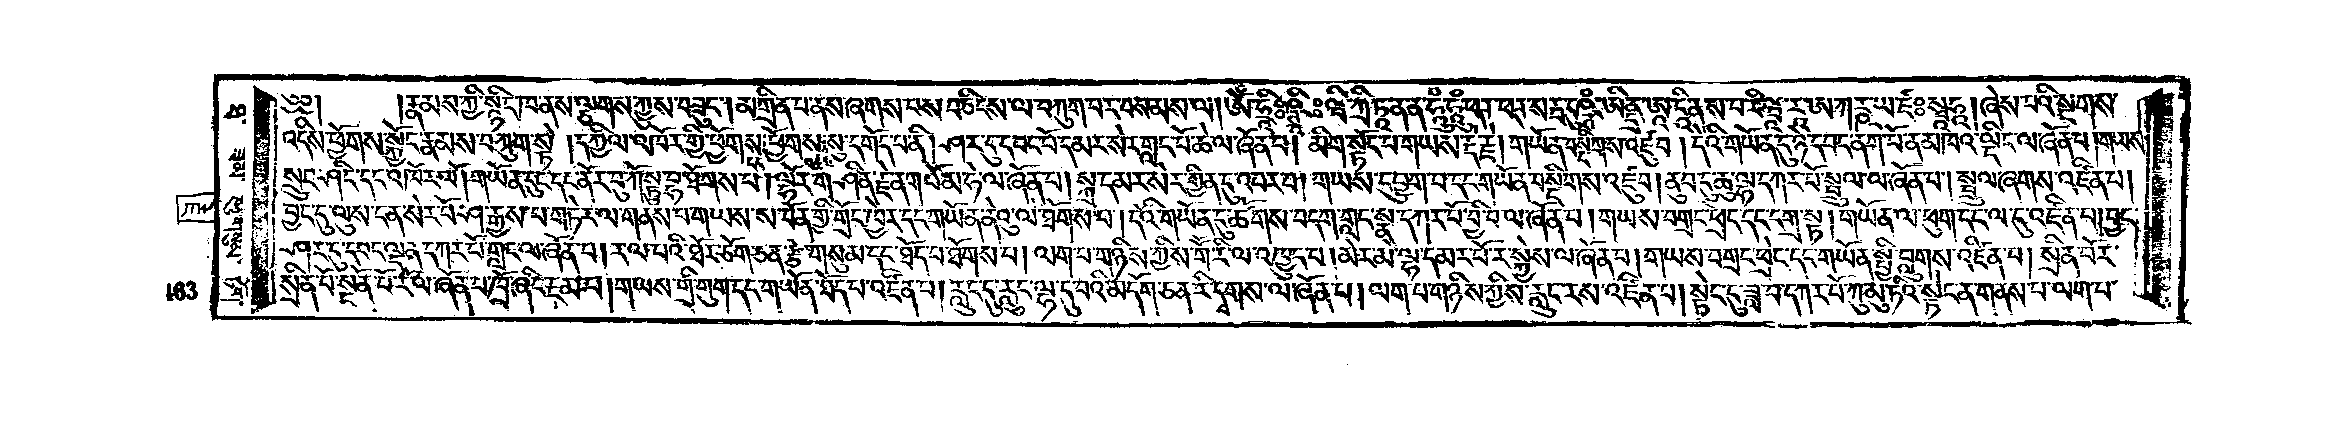༄༅། །རྣམས་ཀྱི་སྙིང་ཁ་ནས་ལྕགས་ཀྱུས་བཟུང་། མགྲིན་པ་ནས་ཞགས་པས་བཅིངས་ལ་བཀུག་པར་བསམས་ལ། ཨོཾ་ཧྲཱིཿ ཥྚྲཱིཿ ཝི་ཀྲི་ཏཱ་ན་ན་ཧཱུཾ་ཧཱུཾ་ཕཊ་ཕཊ་སརྦ་དུཥྚཾ་ཨིནྡྲ་ཨཱ་དཱི་ན་ས་པ་རི་ཝཱ་རཱ་ཨ་ཀརྵ་ཡ་ཛཿ སྭཱཧཱ། ཞེས་པའི་སྔགས་
འདིས་ཕྱོགས་སྐྱོང་རྣམས་བཀུག་སྟེ། དཀྱིལ་འཁོར་གྱི་ཕྱོགས་དང་ཕྱོགས་སུ་དགོད་པ་ནི། ཤར་དུ་དབང་པོ་དམར་སེར་གླང་པོ་ཆེ་ལ་ཞོན་པ། མིག་སྟོང་པ་གཡས་རྡོ་རྗེ། གཡོན་བསྡིགས་འཛུབ། དེའི་གཡོན་དུ་ཉེ་དབང་ནག་པོ་ནམ་མཁའ་ལྡིང་ལ་ཞོན་པ། གཡས་
སྲུང་ཤིང་དང་འཁོར་ལོ། གཡོན་དུང་དང་ནོར་བུ་ཀོསྟུ་བྷ་ཐོགས་པ། ལྷོར་གཤིན་རྗེ་ནག་པོ་མ་ཧེ་ལ་ཞོན་པ། སྐྲ་དམར་སེར་གྱེན་དུ་འབར་བ། གཡས་དབྱུག་པ་དང་གཡོན་བསྡིགས་འཛུབ། ནུབ་དུ་ཆུ་ལྷ་དཀར་པོ་སྦྲུལ་ལ་ཞོན་པ། སྦྲུལ་ཞགས་འཛིན་པ།
བྱང་དུ་ལུས་ངན་སེར་པོ་ཤ་རྒྱས་པ་གཏེར་ལ་གནས་པ་གཡས་ས་བོན་གྱི་གྲོང་ཁྱེར་དང་གཡོན་ནེའུ་ལེ་ཐོགས་པ། དེའི་གཡོན་དུ་ཚོགས་བདག་གླང་སྣ་དཀར་པོ་བྱ་བི་ལ་ཞོན་པོ། གཡས་བགྲང་ཕྲེང་དང་དགྲ་སྟེ། གཡོན་ལ་ཕུག་དང་ལ་དུ་འཛིན་པ། བྱང་
ཤར་དུ་དབང་ལྡན་དཀར་པོ་གླང་ལ་ཞོན་པ། རལ་པའི་ཐོར་ཏོག་ཅན་རྩེ་གསུམ་དང་ཐོད་པ་ཐོགས་པ། ལག་པ་གཉིས་ཀྱིས་གཽ་རི་ལ་འཁྱུད་པ། མེར་མེ་ལྷ་དམར་པོ་ར་སྐྱེས་ལ་ཞོན་པ། གཡས་བགྲང་ཕྲེང་དང་གཡོན་སྤྱི་བླུགས་འཛིན་པ། སྲིན་པོར་
སྲིན་པོ་སྔོན་པོ་རོ་ལ་ཞོན་པ་ཁྲོ་ཞིང་རྔམ་པ། གཡས་གྲི་གུག་དང་གཡོན་ཐོད་པ་འཛིན་པ། རླུང་དུ་རླུང་ལྷ་དུ་བའི་མདོག་ཅན་རི་དྭགས་ལ་ཞོན་པ། ལག་པ་གཉིས་ཀྱིས་རླུང་རས་འཛིན་པ། སྟེང་དུ་ཟླ་བ་དཀར་པོ་ཀུ་མུ་ཏའི་སྟེང་ན་གནས་པ་ལག་པ་